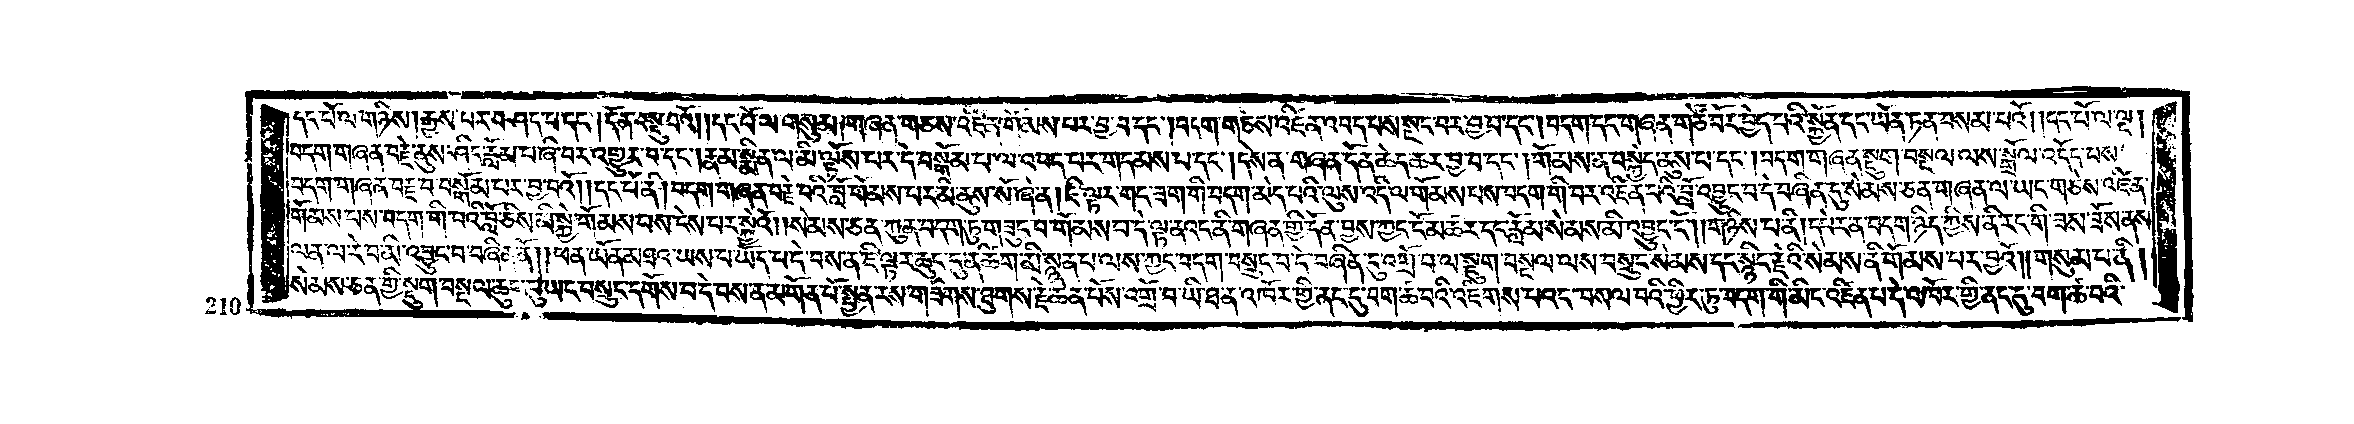དང་པོ་ལ་གཉིས། རྒྱས་པར་བཤད་པ་དང་། དོན་བསྡུ་བའོ། །དང་པོ་ལ་གསུམ། གཞན་གཅེས་འཛིན་གོམས་པར་བྱ་བ་དང་། བདག་གཅེས་འཛིན་འབད་པས་སྡང་བར་བྱ་བ་དང་། བདག་དང་གཞན་གཙོ་བོར་བྱེད་པའི་སྐྱོན་དང་ཡོན་ཏན་བསམ་པའོ། །དང་པོ་ལ་ལྔ།
བདག་གཞན་བརྗེ་ནུས་ཤིང་རློམ་པ་ཞི་བར་འགྱུར་བ་དང་། རྣམ་སྨིན་ལ་མི་ལྟོས་པར་དེ་བསྒོམ་པ་ལ་འབད་པར་གདམས་པ་དང་། དེས་ན་གཞན་དོན་ཆེད་ཆར་བྱ་བ་དང་། གོམས་ན་བསྐྱེད་ནུས་པ་དང་། བདག་གཞན་སྡུག་བསྔལ་ལས་སྒྲོལ་འདོད་པས་
བདག་གཞན་བརྗེ་པ་བསྒོམ་པར་བྱ་བའོ། །དང་པོ་ནི། བདག་གཞན་བརྗེ་པའི་བློ་གོམས་པར་མི་ནུས་སོ་ཞེ་ན། ཇི་ལྟར་གང་ཟག་གི་བདག་མེད་པའི་ལུས་འདི་ལ་གོམས་པས་བདག་གི་བར་འཛིན་པའི་བློ་འབྱུང་བ་དེ་བཞིན་དུ་སེམས་ཅན་གཞན་ལ་ཡང་གཅེས་འཛིན་
གོམས་པས་བདག་གི་བའི་བློ་ཅིས་མི་སྐྱེ་གོམས་པས་ངེས་པར་སྐྱེའོ། །སེམས་ཅན་ཀུན་བདག་ཏུ་གཟུང་བ་གོམས་པ་དེ་ལྟ་ནའང་ནི་གཞན་གྱི་དོན་བྱས་ཀྱང་ངོ་མཚར་དང་རློམ་སེམས་མི་འབྱུང་ངོ། །གཉིས་པ་ནི། དཔེར་ན་བདག་ཉིད་ཀྱིས་ནི་རྣག་གི་ཟས་ཟོས་ནས་
ལན་ལ་རེ་བས་མི་འབྱུང་བ་བཞིན་ནོ། །ཕན་ཡོན་མཐའ་ཡས་པ་ཡོད་པ་དེ་བས་ན་ཇི་ལྟར་ཆུང་ངུ་ན་ཚིག་མི་སྙན་པ་ལས་ཀྱང་བདག་བསྲུང་བ་དེ་བཞིན་དུ་འགྲོ་བ་ལ་སྡུག་བསྔལ་ལས་བསྲུང་སེམས་དང་སྙིང་རྗེའི་སེམས་ནི་གོམས་པར་བྱའོ། །གསུམ་པ་ནི།
སེམས་ཅན་གྱི་སྡུག་བསྔལ་ཆུང་ངུ་ཡང་བསྲུང་དགོས་པ་དེ་བས་ན་མགོན་པོ་སྤྱན་རས་གཟིགས་ཐུགས་རྗེ་ཆེན་པོས་འགྲོ་བ་ཡི་ཐ་ན་འཁོར་གྱི་ནང་དུ་བག་ཚ་བའི་འཇིགས་པའང་བསལ་བའི་ཕྱིར་ཏུ་བདག་གི་མིང་འཛིན་པ་དེ་འཁོར་གྱི་ནང་དུ་བག་ཚ་བའི་